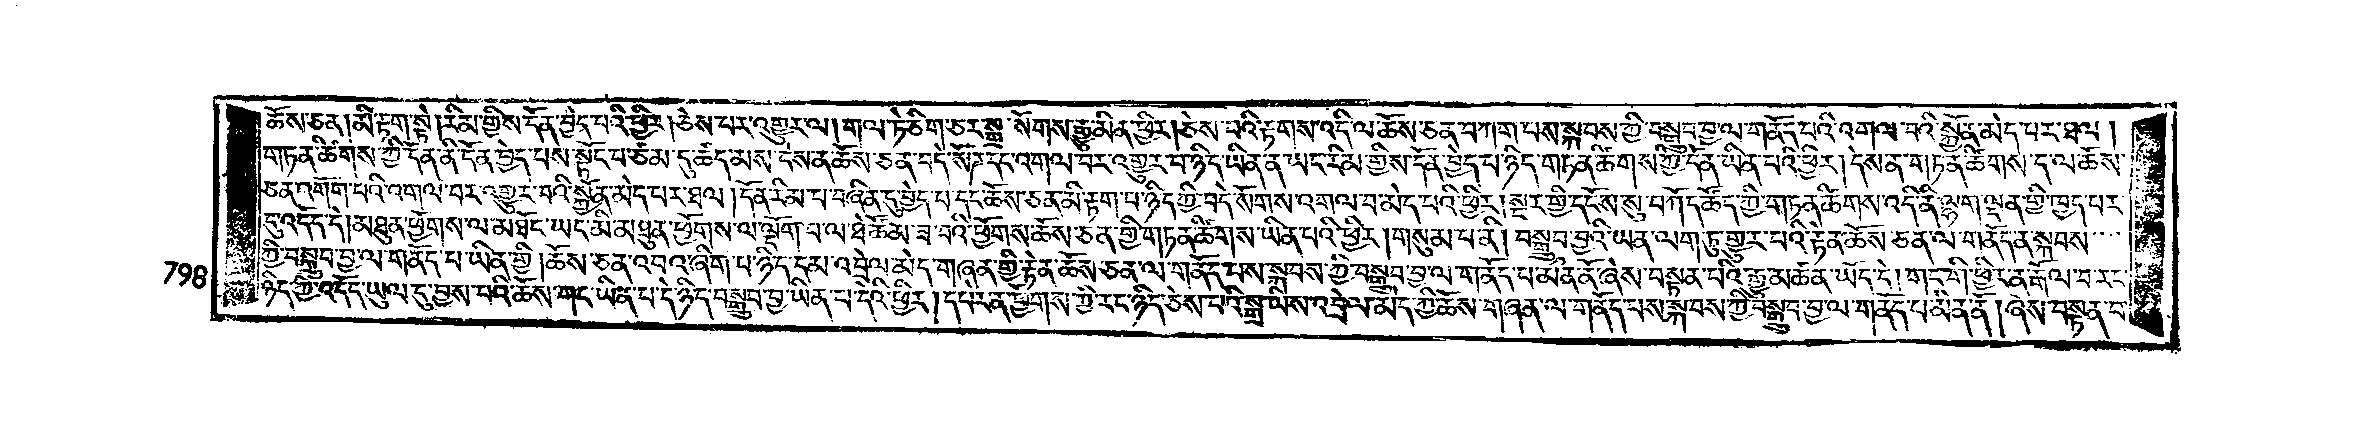ཆོས་ཅན། མི་རྟག་སྟེ། རིམ་གྱིས་དོན་བྱེད་པའི་ཕྱིར། ཅེས་པར་འགྱུར་ལ། གལ་ཏེ་ཅིག་ཅར་སྒྲ་སོགས་རྒྱུ་མིན་ཕྱིར། ཅེས་པའི་རྟགས་འདི་ལ་ཆོས་ཅན་བཀག་པས་སྐབས་ཀྱི་བསྒྲུབ་བྱ་ལ་གནོད་པའི་འགལ་བའི་སྐྱོན་མེད་པར་ཐལ།
གཏན་ཚིགས་ཀྱི་དོན་ནི་དོན་བྱེད་པས་སྟོང་བ་ཙམ་དུ་ཚད་མས་ངེས་ན་ཆོས་ཅན་བདེ་སོགས་དང་འགལ་བར་འགྱུར་བ་ཉིད་ཡིན་ན་ཡང་རིམ་གྱིས་དོན་བྱེད་པ་ཉིད་གཏན་ཚིགས་ཀྱི་དོན་ཡིན་པའི་ཕྱིར། དེས་ན་གཏན་ཚིགས་ད་ལ་ཆོས་
ཅན་འགོག་པའི་འགལ་བར་འགྱུར་བའི་སྐྱོན་མེད་པར་ཐལ། དོན་རིམ་པ་བཞིན་དུ་བྱེད་པ་དང་ཆོས་ཅན་མི་རྟག་པ་ཉིད་ཀྱི་བདེ་སོགས་འགལ་བ་མེད་པའི་ཕྱིར། སྔར་གྱི་དངོས་སུ་བཀོད་ཚོད་ཀྱི་གཏན་ཚིགས་འདི་ནི་ལྷག་ལྡན་གྱི་ཁྱད་པར་
དུ་འདོད་དེ། མཐུན་ཕྱོགས་ལ་མཐོང་ཡང་མི་མཐུན་ཕྱོགས་ལ་ལྡོག་པ་ལ་ཐེ་ཚོམ་ཟ་བའི་ཕྱོགས་ཆོས་ཅན་གྱི་གཏན་ཚིགས་ཡིན་པའི་ཕྱིར། གསུམ་པ་ནི། བསྒྲུབ་བྱའི་ཡན་ལག་ཏུ་གྱུར་པའི་རྟེན་ཆོས་ཅན་ལ་གནོད་ན་སྐབས་
ཀྱི་བསྒྲུབ་བྱ་ལ་གནོད་པ་ཡིན་གྱི། ཆོས་ཅན་འབའ་ཞིག་པ་ཉིད་དམ་འབྲེལ་མེད་གཞན་གྱི་རྟེན་ཆོས་ཅན་ལ་གནོད་པས་སྐབས་ཀྱི་བསྒྲུབ་བྱ་ལ་གནོད་པ་མིན་ནོ་ཞེས་བསྟན་པའི་རྒྱུ་མཚན་ཡོད་དེ། གང་གི་ཕྱིར་ན་རྒོལ་བ་རང་
ཉིད་ཀྱི་འདོད་ཡུལ་དུ་བྱས་པའི་ཆོས་གང་ཡིན་པ་དེ་ཉིད་བསྒྲུབ་བྱ་ཡིན་པ་དེའི་ཕྱིར། དཔེར་ན་ཕྱོགས་ཀྱི་རང་ཉིད་ཅེས་པའི་སྒྲ་ཡིས་འབྲེལ་མེད་ཀྱི་ཆོས་གཞན་ལ་གནོད་པས་སྐབས་ཀྱི་བསྒྲུབ་བྱ་ལ་གནོད་པ་མིན་ནོ། ཞེས་བསྟན་པ་